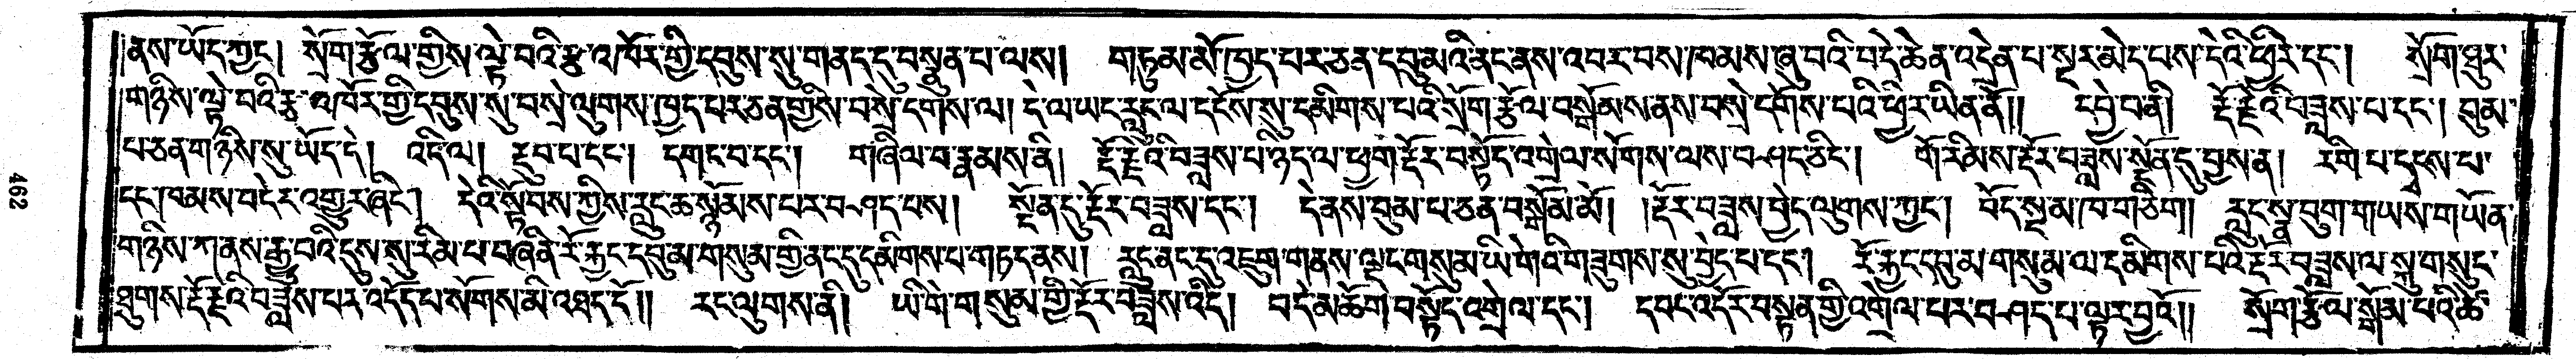ནས་ཡོད་ཀྱང་། སྲོག་རྩོལ་གྱིས་ལྟེ་བའི་རྩ་འཁོར་གྱི་དབུས་སུ་གནད་དུ་བསྣུན་པ་ལས། གཏུམ་མོ་ཁྱད་པར་ཅན་དབུ་མའི་ནང་ནས་འབར་བས་ཁམས་ཞུ་བའི་བདེ་ཆེན་འདྲེན་པ་སྔར་མེད་པས་དེའི་ཕྱིར་དང་། སྲོག་ཐུར་
གཉིས་ལྟེ་བའི་རྩ་འཁོར་གྱི་དབུས་སུ་བསྲེ་ལུགས་ཁྱད་པར་ཅན་གྱིས་བསྲེ་དགས་ལ། དེ་ལ་ཡང་རླུང་ལ་དངོས་སུ་དམིགས་པའི་སྲོག་རྩོལ་བསྒོམས་ནས་བསྲེ་དགོས་པའི་ཕྱིར་ཡིན་ནོ།། དབྱེ་བ་ནི། རྡོ་རྗེའི་བཟླས་པ་དང་། བུམ་
པ་ཅན་གཉིས་སུ་ཡོད་དེ། འདི་ལ། རྡུབ་པ་དང་། དགང་བ་དང་། གཞིལ་བ་རྣམས་ནི། རྡོ་རྗེའི་བཟླས་པ་ཉིད་ལ་ཕྱག་རྡོར་བསྟོད་འགྲེལ་སོགས་ལས་བཤད་ཅིང་། གོ་རིམས་རྡོར་བཟླས་སྔོན་དུ་བྱས་ན། རིག་པ་དྭངས་པ་
དང་ཁམས་བདེར་འགྱུར་ཞིང་། དེའི་སྟོབས་ཀྱིས་རླུང་ཆ་སྙོམས་པར་བཤད་པས། སྔོན་དུ་རྡོར་བཟླས་དང་། དེ་ནས་བུམ་པ་ཅན་བསྒོམ་མོ། །རྡོར་བཟླས་བྱེད་ལུགས་ཀྱང་། བོད་སྔ་མ་ཁ་གཅིག། རླུང་སྣ་བུག་གཡས་གཡོན་
གཉིས་ཀ་ནས་རྒྱུ་བའི་དུས་སུ་རིམ་པ་བཞིན་རོ་རྐྱང་དབུ་མ་གསུམ་གྱི་ནང་དུ་དམིགས་པ་གཏད་ནས། རླུང་ནང་དུ་འཇུག་གནས་ལྡང་གསུམ་ཡི་གེའི་གཟུགས་སུ་བྱེད་པ་དང་། རོ་རྐྱང་དབུ་མ་གསུམ་ལ་དམིགས་པའི་རྡོར་བཟླས་ལ་སྐུ་གསུང་
ཐུགས་རྡོ་རྗེའི་བཟླས་པར་འདོད་པ་སོགས་མི་འཐད་དོ།། རང་ལུགས་ནི། ཡི་གེ་གསུམ་གྱི་རྡོར་བཟླས་འདི། བདེ་མཆོག་བསྟོད་འགྲེལ་དང་། དབང་འདོར་བསྟན་གྱི་འགྲེལ་པར་བཤད་པ་ལྟར་བྱའོ།། སྲོག་རྩོལ་སྒོམ་པའི་ཚེ་